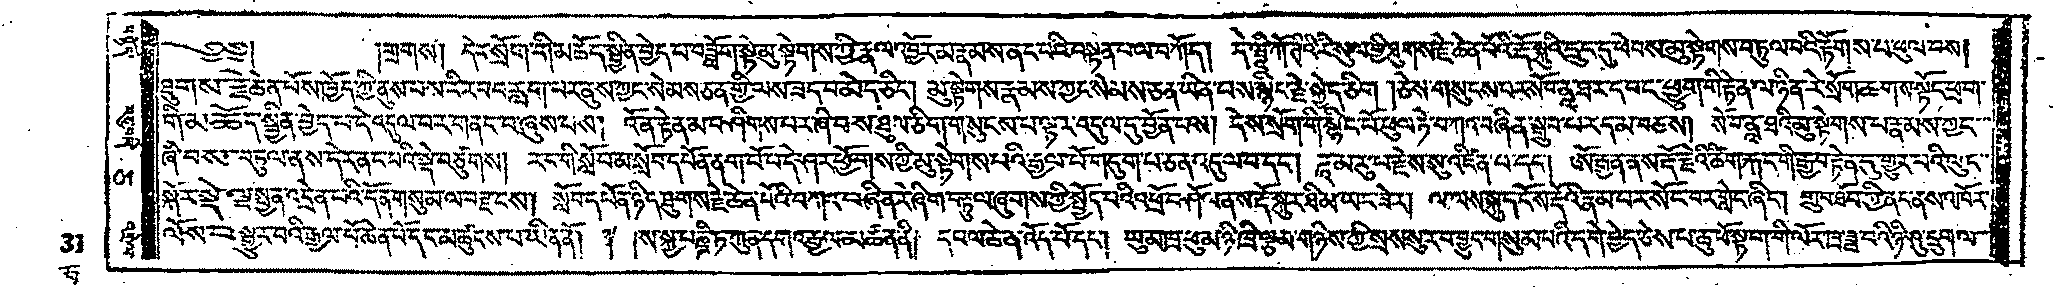༄༅། །གྲགས། དེར་སྲོག་གི་མཆོད་སྦྱིན་བྱེད་པ་བཟློག་སྟེ་མུ་སྟེགས་ཀྱི་རྣལ་འབྱོར་མ་རྣམས་ནང་པའི་བསྟན་པ་ལ་བཀོད། དེ་ཝཱི་ཀོ་ཊིའི་རི་སུལ་གྱི་ཐུགས་རྗེ་ཆེན་པོའི་རྡོ་སྐུའི་དྲུང་དུ་ཕེབས་མུ་སྟེགས་བཏུལ་བའི་རྟོགས་པ་ཕུལ་བས།
ཐུགས་རྗེ་ཆེན་པོས་ཁྱོད་ཀྱི་ནུས་པས་རི་རབ་བརླག་པར་ནུས་ཀྱང་སེམས་ཅན་གྱི་ལས་ཟད་པ་མེད་ཅིང་། མུ་སྟེགས་རྣམས་ཀྱང་སེམས་ཅན་ཡིན་པས་སྙིང་རྗེ་སྐྱེད་ཅིག །ཅེས་གསུངས་པར་སོ་བ་ནཱ་ཐར་དབང་ཕྱུག་གི་རྟེན་ལ་ཉིན་རེ་སྲོག་ཆགས་སྟོང་ཕྲག་
གི་མཆོད་སྦྱིན་བྱེད་པ་དེ་འདུལ་བར་གནང་བ་ཞུས་པས། འོ་ན་རྟེན་མ་བཤིགས་པར་ཞི་བས་ཐུལ་ཅིག་གསུངས་པ་ལྟར་འདུལ་དུ་བྱོན་པས། དེས་སྲོག་གི་སྙིང་པོ་ཕུལ་ཏེ་བཀའ་བཞིན་སྒྲུབ་པར་དམ་བཅས། སོ་བ་ནཱ་ཐའི་མུ་སྟེགས་པ་རྣམས་ཀྱང་
ཞི་བས་བཏུལ་ནས་དེར་ནང་པའི་སྡེ་བཙུགས། རང་གི་སློབ་མ་སློབ་དཔོན་ནག་པོ་པ་དེ་ཤར་ཕྱོགས་ཀྱི་མུ་སྟེགས་པའི་རྒྱལ་པོ་གདུག་པ་ཅན་འདུལ་བ་དང་། ཌཱ་མ་རུ་པ་རྗེས་སུ་འཛིན་པ་དང་། ཨོ་རྒྱན་ནས་རྡོ་རྗེའི་ཚིག་རྐང་གི་རྒྱབ་རྟེན་དུ་གྱུར་པའི་ལུང་
སྐོར་སྡེ་ལྔ་སྤྱན་འདྲེན་པའི་དོན་གསུམ་ལ་བ་རྫངས། སློབ་དཔོན་ཉིད་ཐུགས་རྗེ་ཆེན་པོའི་བཀའ་བཞིན་རེ་ཞིག་བརྟུལ་ཞུགས་ཀྱི་སྤྱོད་པའི་འཕྲོ་བཤོལ་ནས་རྡོ་སྐུར་ཐིམ་ཡང་ཟེར། ལ་ལས་སྐུ་དངོས་རྡོའི་རྣམ་པར་སོང་བར་གླེང་ཞིང་། གྲུབ་ཐོབ་ཀྱི་ནང་ནས་འཁོར་
ལོས་བསྒྱུར་བའི་རྒྱལ་པོ་ཆེན་པོ་དང་མཚུངས་པ་ཡིན་ནོ། ༈ །ས་སྐྱ་པཎྜི་ཏ་ཀུན་དགའ་རྒྱལ་མཚན་ནི། དཔལ་ཆེན་འོད་པོ་དང་། ཡུམ་ཁྲ་ཕུ་མ་ཉི་ཁྲི་ལྕམ་གཉིས་ཀྱི་སྲས་སུ་རབ་བྱུང་གསུམ་པའི་དགེ་བྱེད་ཅེས་པ་ཆུ་ཕོ་སྟག་གི་ལོར་ཁྲ་ཟླ་བའི་ཉི་ཤུ་དྲུག་ལ་